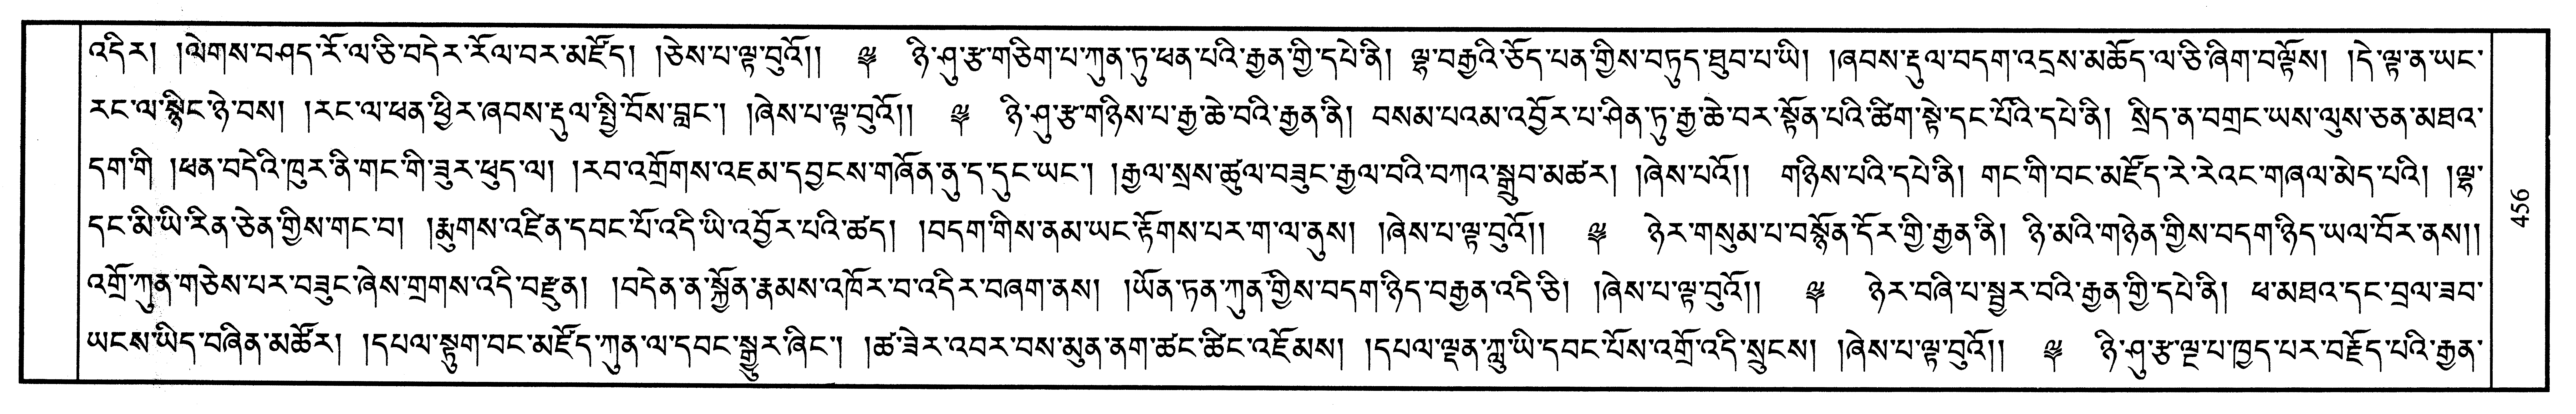འདིར། །ལེགས་བཤད་རོ་ལ་ཅི་བདེར་རོལ་བར་མཛོད། །ཅེས་པ་ལྟ་བུའོ།། ༈ ཉི་ཤུ་རྩ་གཅིག་པ་ཀུན་ཏུ་ཕན་པའི་རྒྱན་གྱི་དཔེ་ནི། ལྷ་བརྒྱའི་ཅོད་པན་གྱིས་བཏུད་ཐུབ་པ་ཡི། །ཞབས་རྡུལ་བདག་འདྲས་མཆོད་ལ་ཅི་ཞིག་བལྟོས། །དེ་ལྟ་ན་ཡང་
རང་ལ་སྙིང་ཉེ་བས། །རང་ལ་ཕན་ཕྱིར་ཞབས་རྡུལ་སྤྱི་བོས་བླང་། །ཞེས་པ་ལྟ་བུའོ།། ༈ ཉི་ཤུ་རྩ་གཉིས་པ་རྒྱ་ཆེ་བའི་རྒྱན་ནི། བསམ་པའམ་འབྱོར་པ་ཤིན་ཏུ་རྒྱ་ཆེ་བར་སྟོན་པའི་ཚིག་སྟེ་དང་པོའི་དཔེ་ནི། སྲིད་ན་བགྲང་ཡས་ལུས་ཅན་མཐའ་
དག་གི །ཕན་བདེའི་ཁུར་ནི་གང་གི་ཟུར་ཕུད་ལ། །རབ་འགྲོགས་འཇམ་དབྱངས་གཞོན་ནུ་ད་དུང་ཡང་། །རྒྱལ་སྲས་ཚུལ་བཟུང་རྒྱལ་བའི་བཀའ་སྒྲུབ་མཚར། །ཞེས་པའོ། །གཉིས་པའི་དཔེ་ནི། གང་གི་བང་མཛོད་རེ་རེའང་གཞལ་མེད་པའི། །ལྷ་
དང་མི་ཡི་རིན་ཅེན་གྱིས་གང་བ། །རྨུགས་འཛིན་དབང་པོ་འདི་ཡི་འབྱོར་པའི་ཚད། །བདག་གིས་ནམ་ཡང་རྟོགས་པར་ག་ལ་ནུས། །ཞེས་པ་ལྟ་བུའོ།། ༈ ཉེར་གསུམ་པ་བསྙོན་དོར་གྱི་རྒྱན་ནི། ཉི་མའི་གཉེན་གྱིས་བདག་ཉིད་ཡལ་བོར་ནས། །
འགྲོ་ཀུན་གཅེས་པར་བཟུང་ཞེས་གྲགས་འདི་བརྫུན། །བདེན་ན་སྐྱོན་རྣམས་འཁོར་བ་འདིར་བཞག་ནས། །ཡོན་ཏན་ཀུན་གྱིས་བདག་ཉིད་བརྒྱན་འདི་ཅི། །ཞེས་པ་ལྟ་བུའོ།། ༈ ཉེར་བཞི་པ་སྦྱར་བའི་རྒྱན་གྱི་དཔེ་ནི། ཕ་མཐའ་དང་བྲལ་ཟབ་
ཡངས་ཡིད་བཞིན་མཚོར། །དཔལ་སྟུག་བང་མཛོད་ཀུན་ལ་དབང་སྒྱུར་ཞིང་། །ཚ་ཟེར་འབར་བས་མུན་ནག་ཚང་ཚིང་འཇོམས། །དཔལ་ལྡན་ཀླུ་ཡི་དབང་པོས་འགྲོ་འདི་སྲུངས། །ཞེས་པ་ལྟ་བུའོ།། ༈ ཉི་ཤུ་རྩ་ལྔ་པ་ཁྱད་པར་བརྗོད་པའི་རྒྱན་